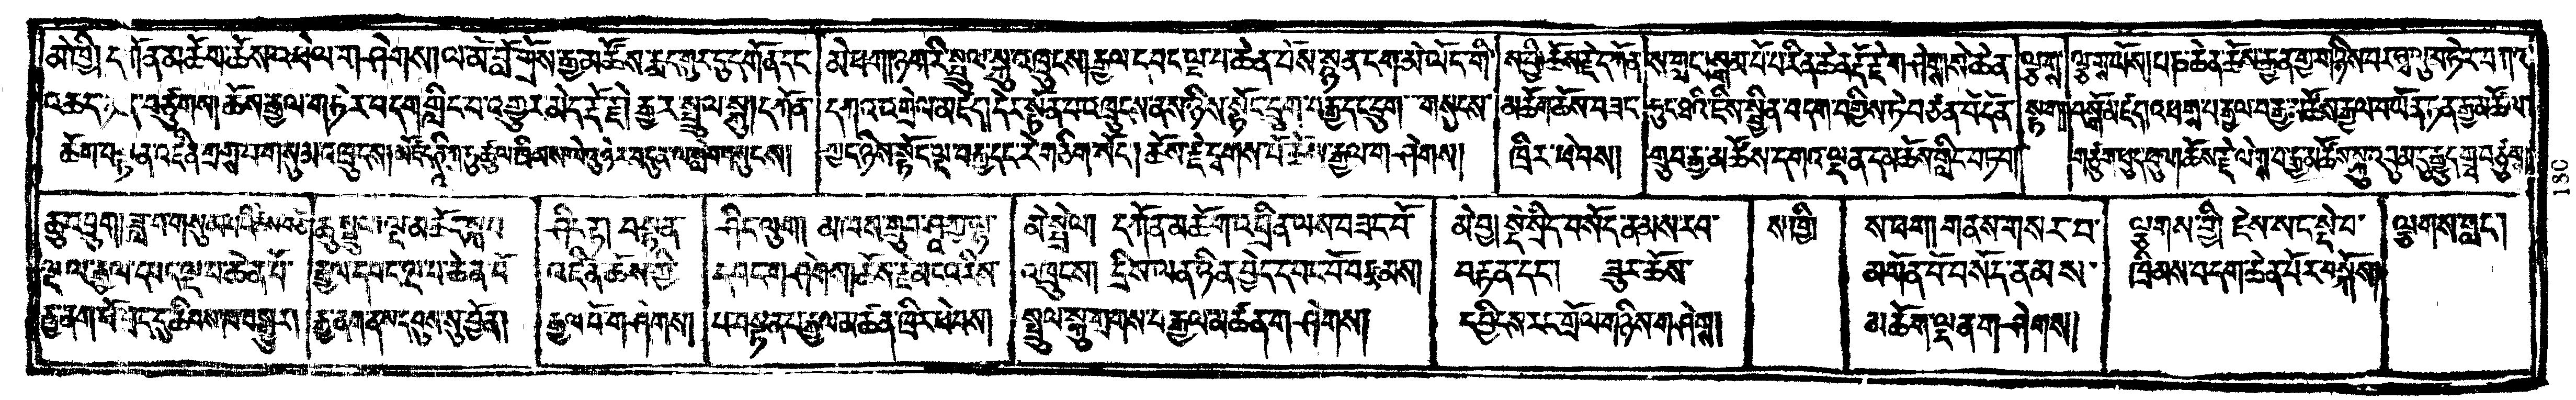མེ་ཁྱི། དཀོན་མཆོག་ཆོས་འཕེལ་གཤེགས། ལ་མོ་བློ་གྲོས་རྒྱ་མཚོས་རྨད་གུར་དུ་དགོན་དང་། མེ་ཕག །ཉག་རི་སྤྲུལ་སྐུ་འཁྲུངས། རྒྱལ་དབང་ལྔ་པ་ཆེན་པོས་སྙན་ངག་མེ་ལོང་གི་ས་བྱི། ཆོས་རྗེ་དཀོན་ས་གླང་། སྒམ་པོ་བ་རིན་ཆེན་རྡོ་རྗེ་གཤེགས་སེ་ཆེན་ལྕགས་ལྕགས་ཡོས། པཎ་ཆེན་ཆོས་རྒྱན་གྱ་གཉིས་པར་ཏྭ་ལུ་བཏེ་ར་བཀའ་
འཆད་ཉན?་བཙུགས་ཆོས་རྒྱལ་གཏེར་བདག་གླིང་བ་འགྱུར་མེད་རྡོ་རྗེ། རྒྱ་ར་སྤྲུལ་སྐུ། དཀོན་བཀའ་འགྲེལ་མཛད། དེར་སྟོན་པ་འཁྲུངས་ནས་ཉིས་སྟོང་དྲུག་བརྒྱ་དང་དྲུག་གསུངས་མཆོག་ཆོས་བཟང་ཏུང་ཐའི་ཇིས་སྦྱིན་བདག་བགྱིས་ཏེ་བཙན་པོ་དོན་སྟག །བསྒོ་མཛད། འཕགས་པ་རྒྱལ་བརྒྱ་མཚོས་རྒྱལ་བ་ཡོན་ཏན་རྒྱ་མཚོལ་
ཆོག་བསྟན་འཛིན་གྲགས་པ་གསུམ་འཁྲུངས། མཛོད་ཊཱི་ཀ་ཏུ་ཚུལ་ཁྲིམས་ལེའུ་ཉེར་བདུན་ལ་སླེབ་གསུངས། ཀྱང་ཉིས་སྟོང་ལྔ་བརྒྱ་དང་རེ་གཅིག་སོང་། ཆོས་རྗེ་དྭགས་པོ་རྗོས?་རྒྱལ་གཤེགས། ཁྲིར་ཕེབས། གྲུབ་རྒྱ་མཚོས་དགའ་ལྡན་དམ་ཆོས་གླིང་བཏབ། བཙུག་ཕུད་བུ་གྖོས་རྗེ་ལེགས་བ་རྒྱ་མཚོས་སྐུ་འབུམ་དུ་རྒྱུད་དྲྭ་བཙུགས་
ཆུ་འབྲུག །ཟླ་བ་གསུམ་པའི་ཚེས?་བཅོ་ཆུ་སྦྲུང་ང་མཆོར་སླབ་ཤིང་རྟ། བཏན་ཤིང་ལུག །མཁས་གྲུབ་ཤཱཀྱ་ལྟ་མེ་སྦྲེལ། དཀོན་མཆོག་འབྲིན་ལས་བཟང་པོ་མེ་བྱ། སྡེ་སྲིད་བསོད་ནམས་རབ་ས་ཁྱི། ས་ཕག །གནས་གསར་བ་ལྕགས་བྱི། ཇེས་སང་སྡེབ་ལྕགས་གླང་།
ལྡལ་རྒྱལ་དཔང་ལྔ་པ་ཆེན་པོ་རྒྱལ་དབང་ལྔ་པ་ཆེན་པོ་འཛིན་ཆོས་ཀྱི་དབང་གཤེགས། ཆོས་རྗེ་མངའ་རིས་འཁྲུངས། དྲིས་ལན་ཉིན་བྱེད་དབང་པོ་བརྩམས། བརྟན་དང་། ཟུར་ཆོས་མགོན་པོ་བསོད་ནམས་ཁྲིགས་བདག་ཆེན་པོར་བསྐོས།
རྒྱ་ནག་ཕོ་བྲང་དུ་ཆིབས་ཁ་བསྒྱུར། རྒྱ་ནག་ནས་དབུ་སུ་བྱོན། རྒྱལ་པོ་གཤེགས། པ་བསྟན་པ་རྒྱལ་མཚན་ཁྲིར་ཕེབས། སྤྲུལ་སྐུ་གྲགས་པ་རྒྱལ་མཚན་གཤེགས། དབྱིངས་རང་གྲོལ་གཉིས་གཤེགས། མཆོག་ལྡན་གཤེགས།